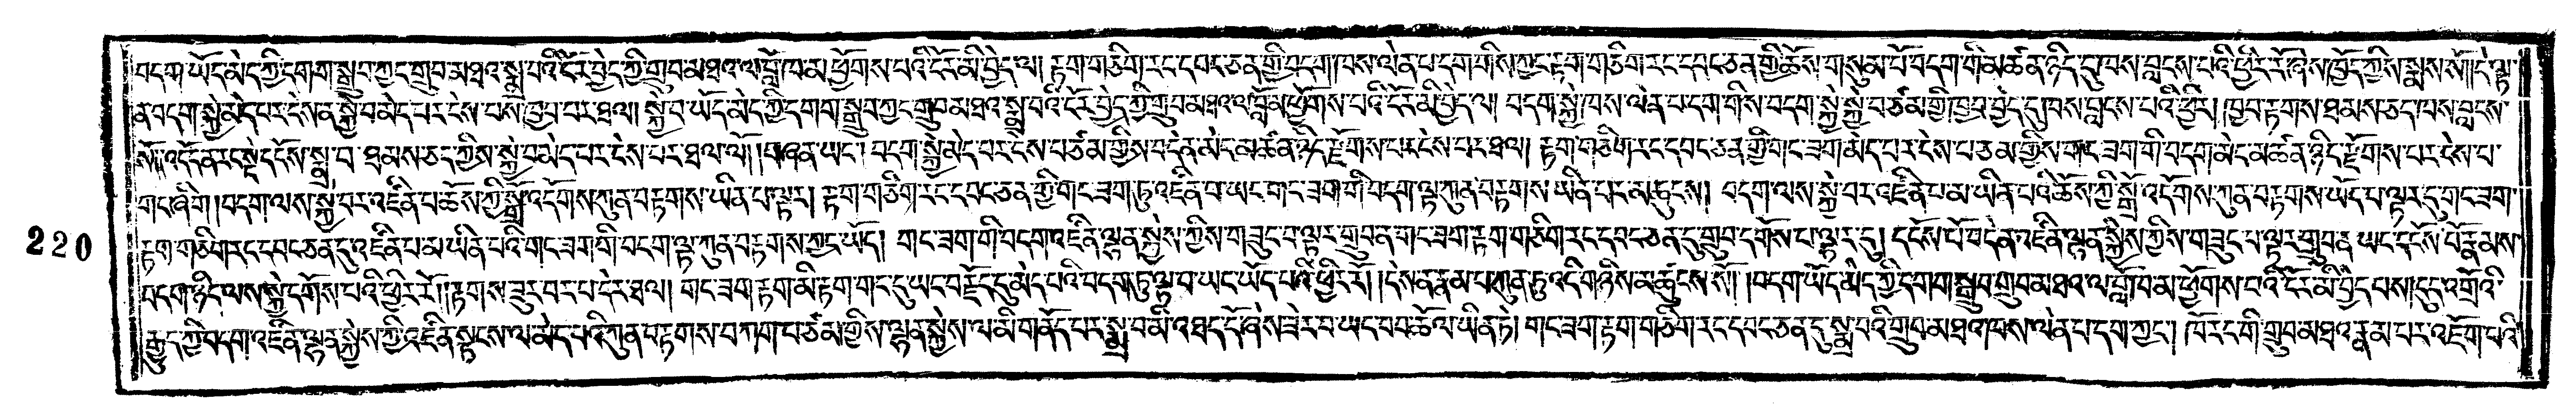བདག་ཡོད་མེད་ཀྱི་དགག་སྒྲུབ་ཀྱང་གྲུབ་མཐའ་སྨྲ་བའི་དོར་བྱེད་ཀྱི་གྲུབ་མཐའ་ལ་བློ་ཁ་མ་ཕྱོགས་པའི་དོར་མི་བྱེད་ལ། རྟག་གཅིག་རང་དབང་ཅན་གྱི་བདག་ཁས་ལེན་པ་དག་གིས་ཀྱང་རྟག་གཅིག་རང་དབང་ཅན་གྱི་ཆོས་གསུམ་པོ་བདག་གི་མཚན་ཉིད་དུ་ཁས་བླངས་པའི་ཕྱིར་རོ་ཞེས་ཁྱོད་ཀྱིས་སྨས་སོ། །དེ་ལྟ་
ན་བདག་སྐྱེ་མེད་པར་ངེས་ན་སྐྱེ་བ་མེད་པར་ངེས་པས་ཁྱབ་པར་ཐལ། སྐྱེ་བ་ཡོད་མེད་ཀྱི་དགག་སྒྲུབ་ཀྱང་གྲུབ་མཐའ་སྨྲ་བའི་ངོར་བྱེད་ཀྱི་གྲུབ་མཐའ་ལ་བློ་མ་ཕྱོགས་པའི་དོར་མི་བྱེད་ལ། བདག་སྐྱེ་ཁས་ལེན་པ་དག་གིས་བདག་སྐྱེ་སྐྱེ་བ་ཙམ་གྱི་ཁྱབ་བྱིད་དུ་ཁས་བླངས་པའི་ཕྱིར། ཁྱབ་རྟགས་ཐམས་ཅད་ཁས་བླངས་
སོ༑ ༑འདོད་ན་རང་སྡེ་དངོས་སྨྲ་བ་ཐམས་ཅད་ཀྱིས་སྐྱེ་བ་མེད་པར་ངེས་པར་ཐལ་ལོ། །གཞན་ཡང་། བདག་སྐྱེ་མེད་པར་ངེས་པ་ཙམ་གྱིས་བདེན་མེད་མཚན་ཉིད་རྫོགས་པར་ངེས་པར་ཐལ། རྟག་གཅིག་རང་དབང་ཅན་གྱི་གང་ཟག་མེད་པར་ངེས་པ་ཅམ་གྱིས་གང་ཟག་གི་བདག་མེད་མཚན་ཉིད་རྫོགས་པར་ངེས་པ་
གང་ཞིག །བདག་ལས་སྐྱེ་བར་འཛིན་པ་ཆོས་ཀྱི་སྒྲོ་འདོགས་ཀུན་བརྟགས་ཡིན་པ་ལྟར། རྟག་གཅིག་རང་དབང་ཅན་གྱི་གང་ཟག་ཏུ་འཛིན་པ་ཡང་གང་ཟག་གི་བདག་ལྟ་ཀུན་བརྟགས་ཡིན་པར་མཚུངས། བདག་ལས་སྐྱེ་བར་འཛིན་པ་མ་ཡིན་པའི་ཆོས་ཀྱི་སྒྲོ་འདོགས་ཀུན་བརྟགས་ཡོད་པ་ལྟར་དུ་གང་ཟག་
རྟག་གཅིག་རང་དབང་ཅན་དུ་འཛིན་པ་མ་ཡིན་པའི་གང་ཟག་གི་བདག་ལྟ་ཀུན་བརྟགས་ཀྱང་ཡོད། གང་ཟག་གི་བདག་འཛིན་ལྷན་སྐྱེས་ཀྱིས་གཟུང་བ་ལྟར་གྲུབ་ན་གང་ཟག་རྟག་གཅིག་རང་དབང་ཅན་དུ་གྲུབ་དགོས་པ་ལྟར་དུ། དངོས་པོ་བདེན་འཛིན་ལྷན་སྐྱེས་ཀྱིས་གཟུང་བ་ལྟར་གྲུབ་ན་ཡང་དངོས་པོ་རྣམས་
བདག་ཉིད་ལས་སྐྱེ་དགོས་པའི་ཕྱིར་རོ། །རྟགས་ཟུར་བར་པ་དེར་ཐལ། གང་ཟག་རྟག་མི་རྟག་གང་དུ་ཡང་བརྗོད་དུ་མེད་པའི་བདག་ཏུ་ལྟ་བ་ཡང་ཡོད་པའི་ཕྱིར་རོ། །དེས་ན་རྣམ་པ་ཀུན་ཏུ་འདི་གཉིས་མཚུངས་སོ། །བདག་ཡོད་མེད་ཀྱི་དགག་སྒྲུབ་གྲུབ་མཐའ་ལ་བློ་ཁམ་ཕྱོགས་པའི་ངོར་མི་བྱེད་པས། དུད་འགྲོའི་
རྒྱུད་ཀྱི་བདག་འཛིན་ལྷན་སྐྱེས་ཀྱི་འཛིན་སྟངས་ལ་མེད་པའི་ཀུན་བརྟགས་བཀག་པ་ཙམ་གྱིས་ལྷན་སྐྱེས་ལ་མི་གནོད་པར་སྨྲ་བ་མི་འཐད་དོ་ཞེས་ཟེར་བ་ཡང་བབ་ཆོལ་ཡིན་ཏེ། གང་ཟག་རྟག་གཅིག་རང་དབང་ཅན་དུ་སྨྲ་བའི་གྲུབ་མཐའ་ཁས་ལེན་པ་དག་ཀྱང་། ཁོ་རང་གི་གྲུབ་མཐའ་རྣམ་པར་འཇོག་པའི་